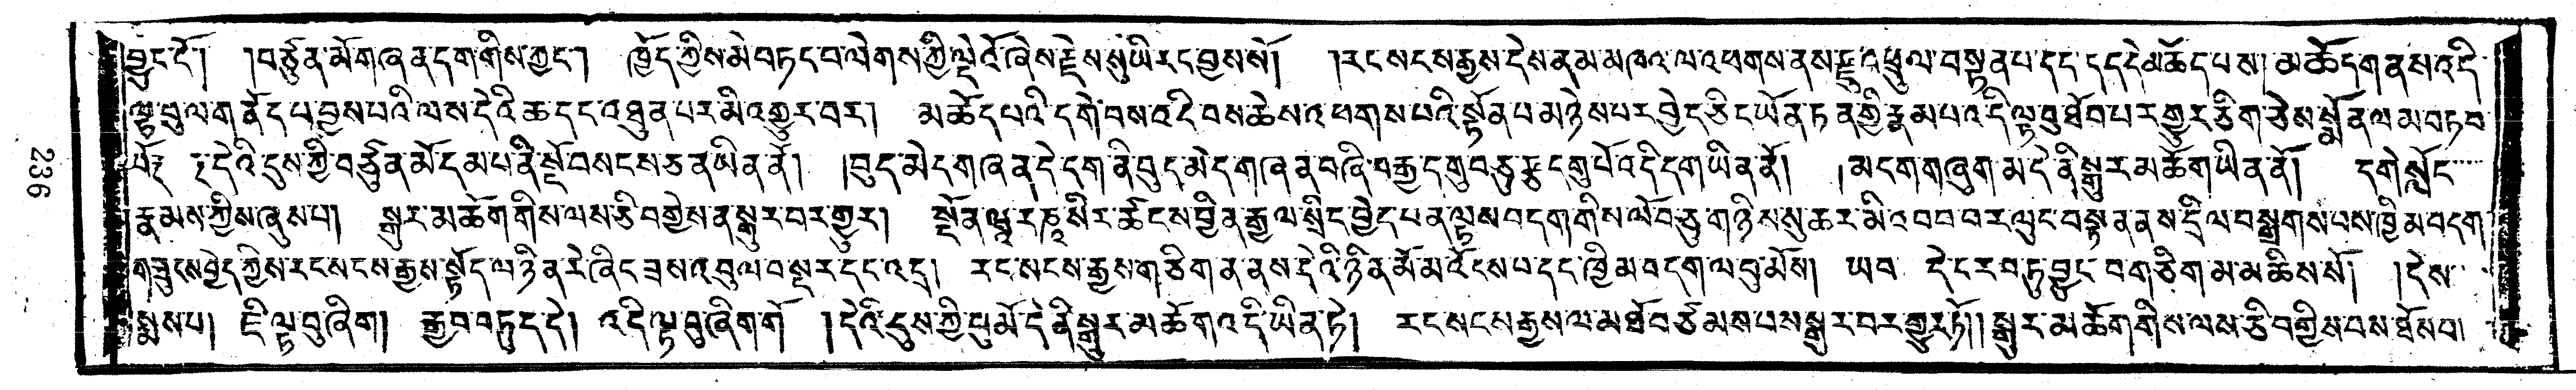བྱུང་ངོ། །བཙུན་མོ་གཞན་དག་གིས་ཀྱང་། ཁྱོད་ཀྱིས་མེ་བཏང་བ་ལེགས་ཀྱི་ལྡེའོ་ཞེས་རྗེས་སུ་ཡི་རང་བྱས་སོ། །རང་སངས་རྒྱས་དེས་ནམ་མཁའ་ལ་འཕགས་ནས་རྫུ་འཕྲུལ་བསྟན་པ་དང་དད་དེ་མཆོད་པས། མཆོད་གནས་འདི་
ལྟ་བུ་ལ་གནོད་པ་བྱས་པའི་ལས་དེའི་ཆ་དང་འཐུན་པར་མི་འགྱུར་བར། མཆོད་པའི་དགེ་བས་འདི་བས་ཆེས་འཕགས་པའི་སྟོན་པ་མཉེས་པར་བྱེད་ཅིང་ཡོན་ཏན་གྱི་རྣམ་པ་འདི་ལྟ་བུ་ཐོབ་པར་གྱུར་ཅིག་ཅེས་སྨོན་ལམ་བཏབ་
པོ༑ ༑དེའི་དུས་ཀྱི་བཙུན་མོ་དམ་པ་ནི་སྔོ་བསངས་ཅན་ཡིན་ནོ། །བུད་མེད་གཞན་དེ་དག་ནི་བུད་མེད་གཞན་བཞི་བརྒྱ་དགུ་བཅུ་རྩ་དགུ་པོ་འདི་དག་ཡིན་ནོ། །མངག་གཞུག་མ་དེ་ནི་སྒུར་མཆོག་ཡིན་ནོ། །དགེ་སློང་
རྣམས་ཀྱིས་ཞུས་པ། སྒུར་མཆོག་གིས་ལས་ཅི་བགྱེས་ན་སྒུར་བར་གྱུར། སྔོན་ཝཱ་ར་ཎཱ་སིར་ཚངས་བྱིན་རྒྱལ་སྲིད་བྱེད་པན་ལྟས་བདག་གིས་ལོ་བཅུ་གཉིས་སུ་ཆར་མི་འབབ་བར་ལུང་བསྟན་ནས་དྲིལ་བསྒྲགས་པས་ཁྱིམ་བདག་
གཟུངས་བྱེད་ཀྱིས་རང་སངས་རྒྱས་སྟོད་ལ་ཉིན་རེ་ཞིང་ཟས་འབུལ་བ་སྔར་དང་འདྲ། རང་སངས་རྒྱས་གཅིག་ན་ནས་དེའི་ཉིན་མོ་མ་འོངས་པ་དང་ཁྱིམ་བདག་ལ་བུ་མོས། ཡབ་དེ་ང་རབ་ཏུ་བྱུང་བ་གཅིག་མ་མཆིས་སོ། །དེས་
སྨས་པ། ཇི་ལྟ་བུ་ཞིག། རྒྱབ་བཏུད་དེ། འདི་ལྟ་བུ་ཞིག་གོ །དེའི་དུས་ཀྱི་པུ་མོ་དེ་ནི་སྒུར་མཆོག་འདི་ཡིན་ཏེ། རང་སངས་རྒྱས་ལ་མཐོ་བཙམས་པས་སྒུར་བར་གྱུར་ཏོ། །སྒུར་མཆོག་གིས་ལས་ཅི་བགྱིས་པས་ཐོས་པ།